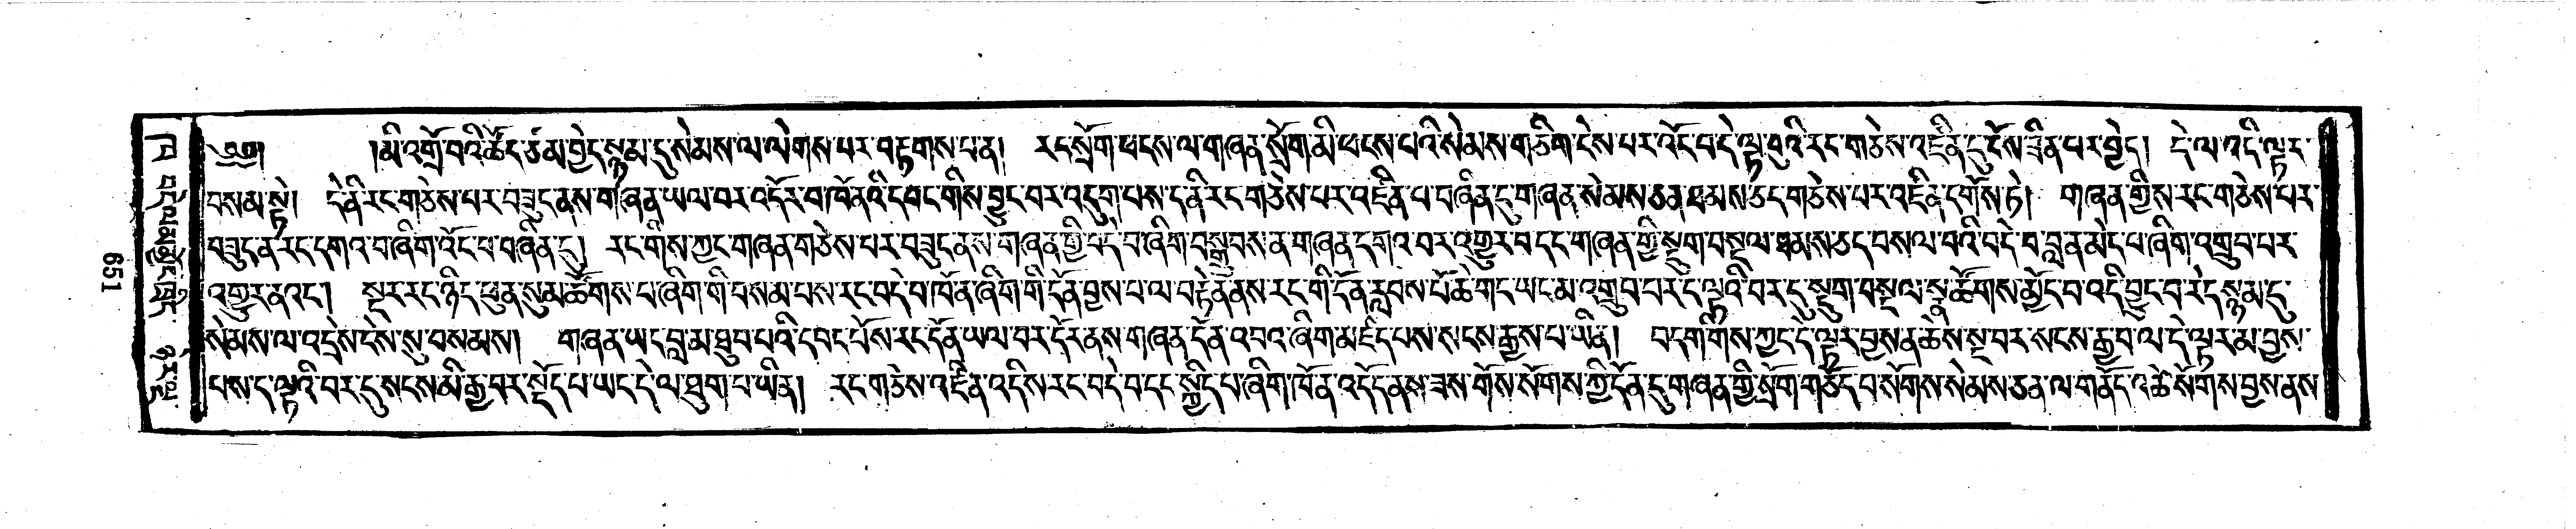༄༅། །མི་འགྲོ་བའི་ཚོད་ཙམ་བྱེད་སྙམ་དུ་སེམས་ལ་ལེགས་པར་བརྟགས་པ་ན། རང་སྲོག་ཕངས་ལ་གཞན་སྲོག་མི་ཕངས་པའི་སེམས་གཅིག་ངེས་པར་འོང་བ་དེ་ལྟ་བུའི་རང་གཅེས་འཛིན་དུ་ངོས་ཟིན་པར་བྱེད། དེ་ལ་འདི་ལྟར་
བསམ་སྟེ། དེ་ནི་རང་གཅེས་པར་བཟུང་ནས་གཞན་ཡལ་བར་འདོར་བ་ཁོ་ནའི་དབང་གིས་བྱུང་བར་འདུག་བས་ད་ནི་རང་གཅེས་པར་འཛིན་པ་བཞིན་དུ་གཞན་སེམས་ཅན་ཐམས་ཅད་གཅེས་པར་འཛིན་དགོས་ཏེ། གཞན་གྱིས་རང་གཅེས་པར་
བཟུང་ན་རང་དགའ་བ་ཞིག་འོང་བ་བཞིན་དུ། རང་གིས་ཀྱང་གཞན་གཅེས་པར་བཟུང་ནས་གཞན་གྱི་བདེ་བ་ཞིག་བསྒྲུབས་ན་གཞན་དགའ་བར་འགྱུར་བ་དང་གཞན་གྱི་སྡུག་བསྔལ་ཐམས་ཅད་བསལ་བའི་བདེ་བ་བླ་ན་མེད་པ་ཞིག་འགྲུབ་པར་
འགྱུར་ནའང་། སྔར་རང་ཉིད་ཕུན་སུམ་ཚོགས་པ་ཞིག་གི་བསམ་པས་རང་བདེ་བ་ཁོ་ན་ཞིག་གི་དོན་བྱས་པ་ལ་བརྟེན་ནས་རང་གི་དོན་རླབས་པོ་ཆེ་གང་ཡང་མ་འགྲུབ་པར་ད་ལྟའི་བར་དུ་སྡུག་བསྔལ་སྣ་ཚོགས་མྱོང་བ་འདི་བྱུང་བ་རེད་སྙམ་དུ་
སེམས་ལ་འདྲེས་ངེས་སུ་བསམས། གཞན་ཡང་བླ་མ་ཐུབ་པའི་དབང་པོས་རང་དོན་ཡལ་བར་དོར་ནས་གཞན་དོན་འབའ་ཞིག་མཛད་པས་སངས་རྒྱས་པ་ཡིན། བདག་གིས་ཀྱང་དེ་ལྟར་བྱས་ན་ཆེས་སྔར་བར་སངས་རྒྱ་བ་ལ་དེ་ལྟར་མ་བྱས་
པས་ད་ལྟའི་བར་དུ་སངས་མི་རྒྱ་བར་སྡོད་པ་ཡང་དེ་ལ་ཐུག་པ་ཡིན། རང་གཅེས་འཛིན་འདིས་རང་བདེ་བ་དང་སྐྱིད་པ་ཞིག་ཁོ་ན་འདོད་ནས་ཟས་གོས་སོགས་ཀྱི་དོན་དུ་གཞན་གྱི་སྲོག་གཅོད་པ་སོགས་སེམས་ཅན་ལ་གནོད་འཚེ་སོགས་བྱས་ནས་